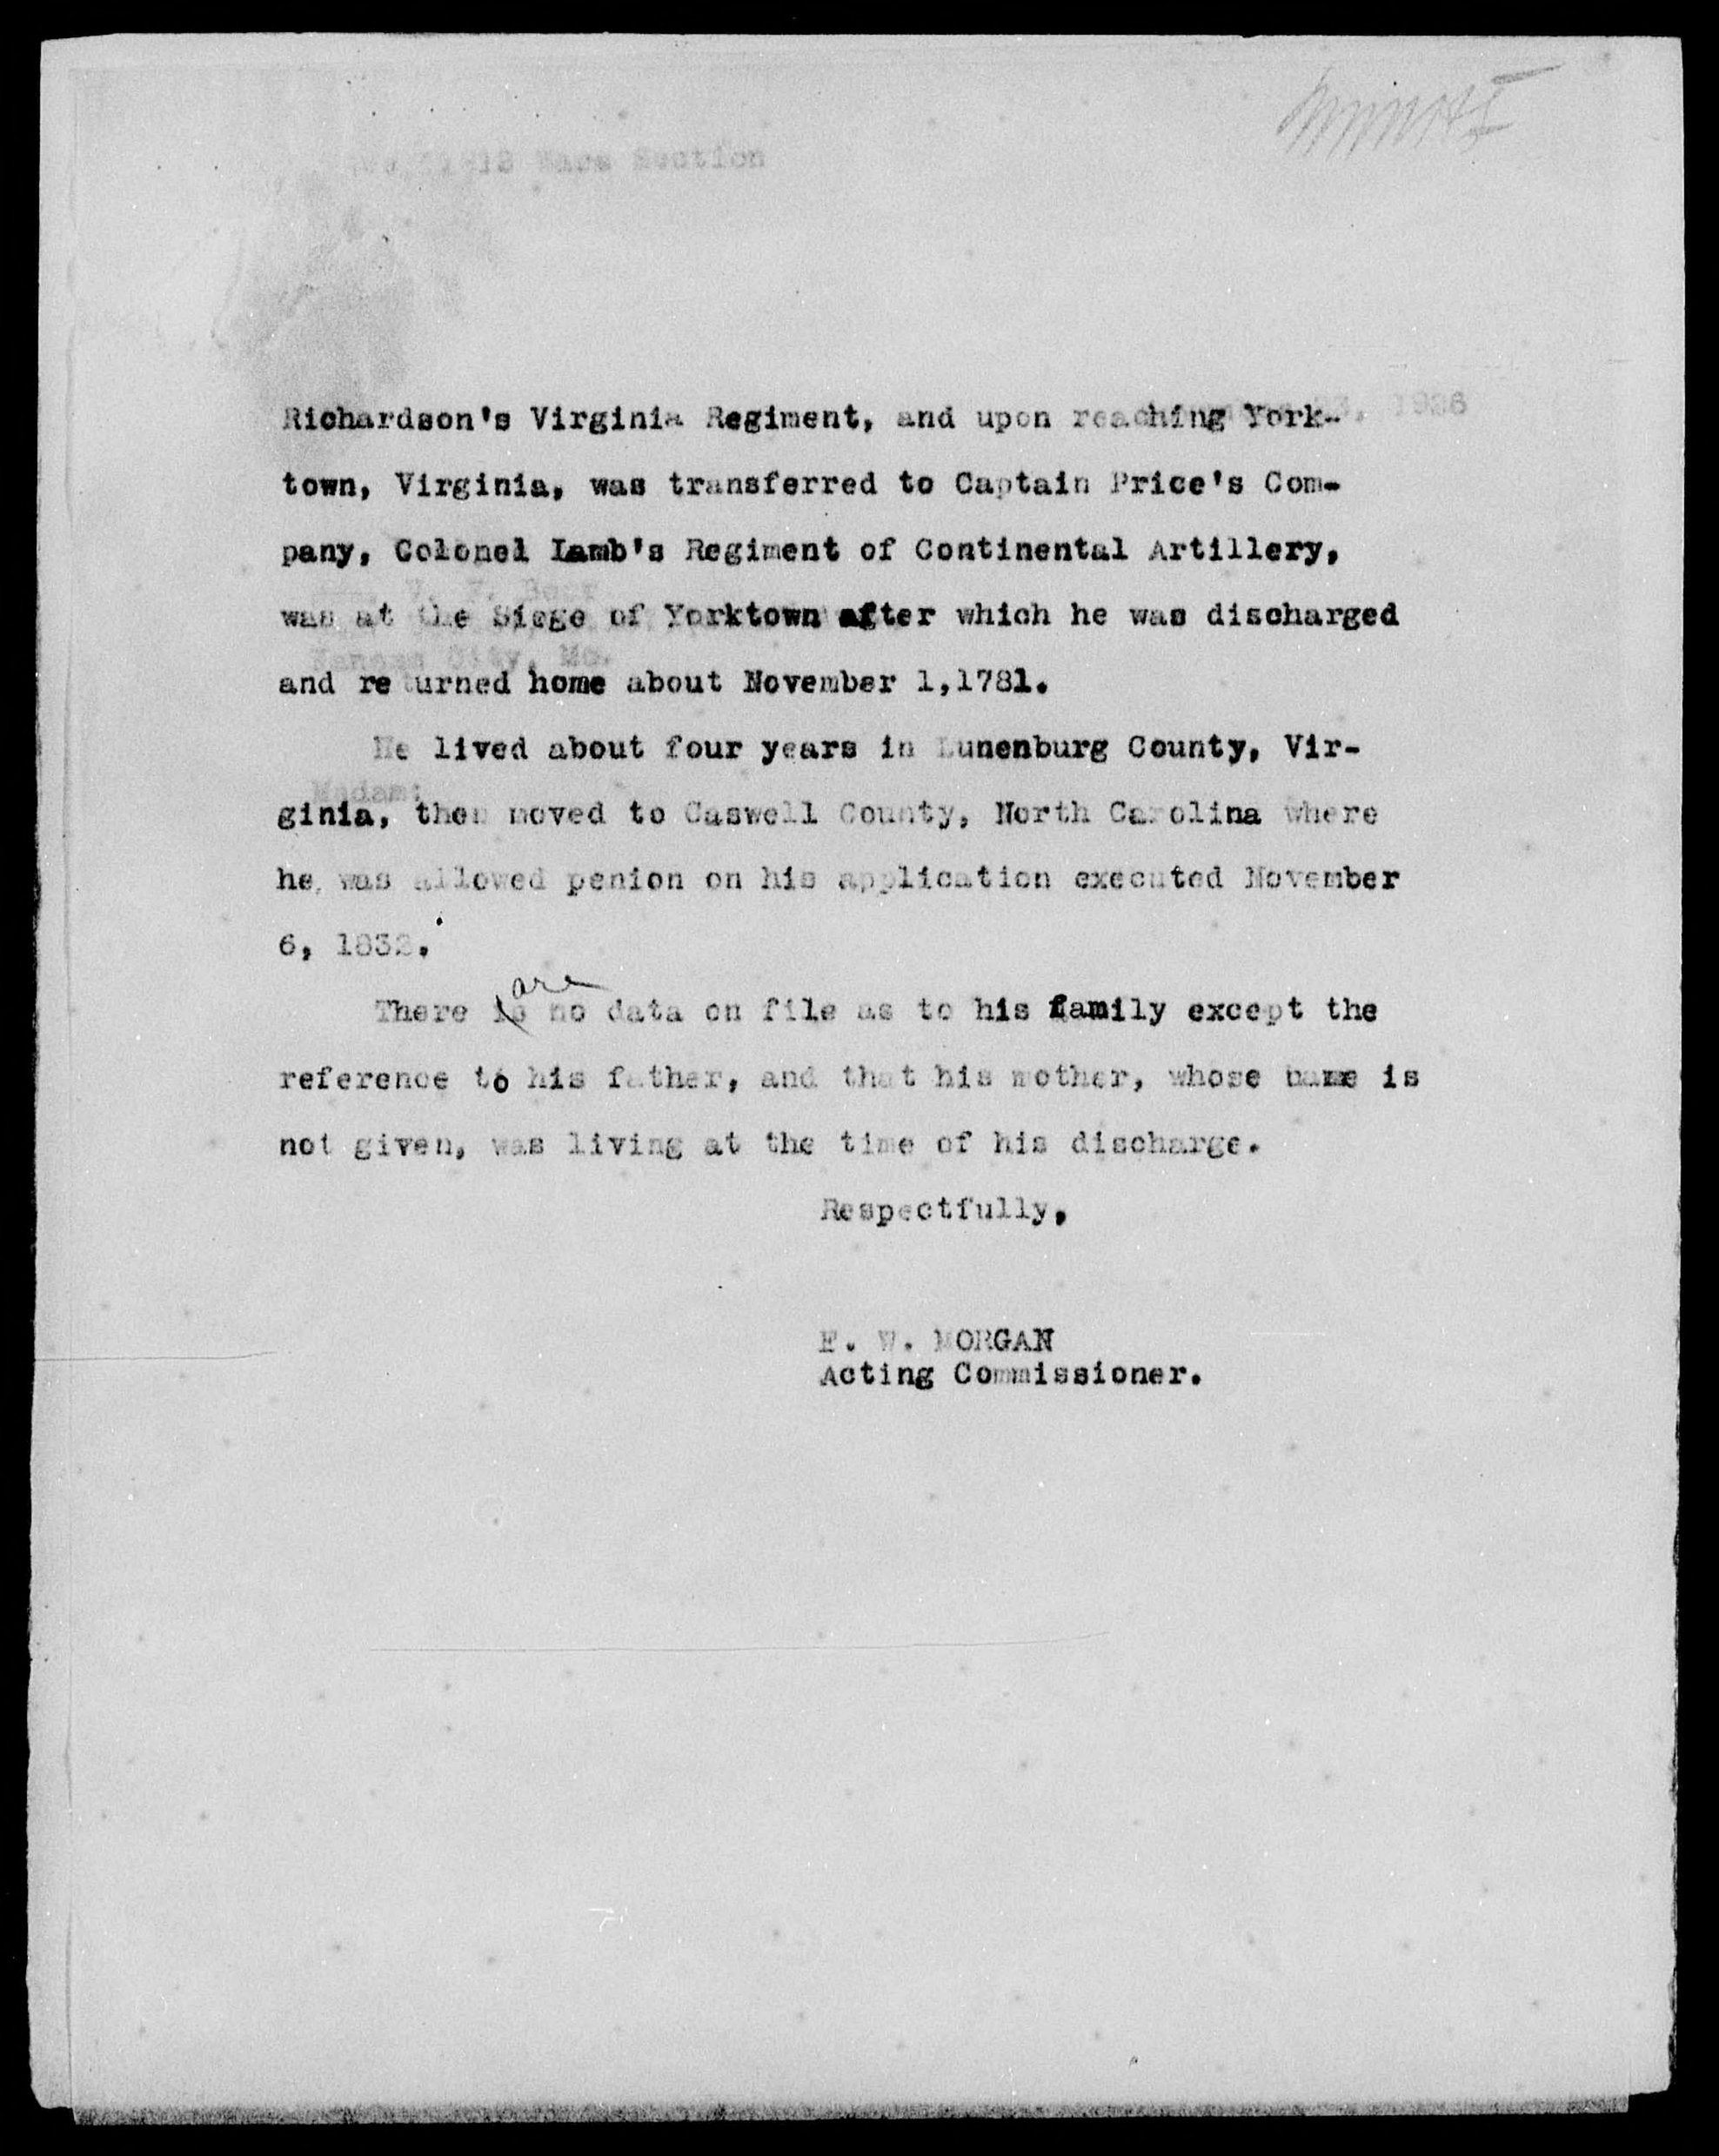MMHF
Richardson's Virginia Regiment, and upon reaching Yorktown, Virginia, was transferred to Captain Price's Company, Colonel Lamb's Regiment of Continental Artillery, was at the siege of Yorktown after which he was discharged and returned home about November 1, 1781. 
He lived about four years in Lunenburg County, Virginia, then moved to Caswell County, North Carolina where he was allowed pension on his application executed November 6, 1832. 
There [crossed out: is] are no data on file as to his family except the reference to his father, and that his mother, whose name is not given, was living at the time of his discharge. 
Respectfully, 
E. W. MORGAN 
Acting Commissioner. 28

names: E W Morgan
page: 28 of 58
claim: survivor's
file: S. 6,941, Starling Gunn, Continental Va.